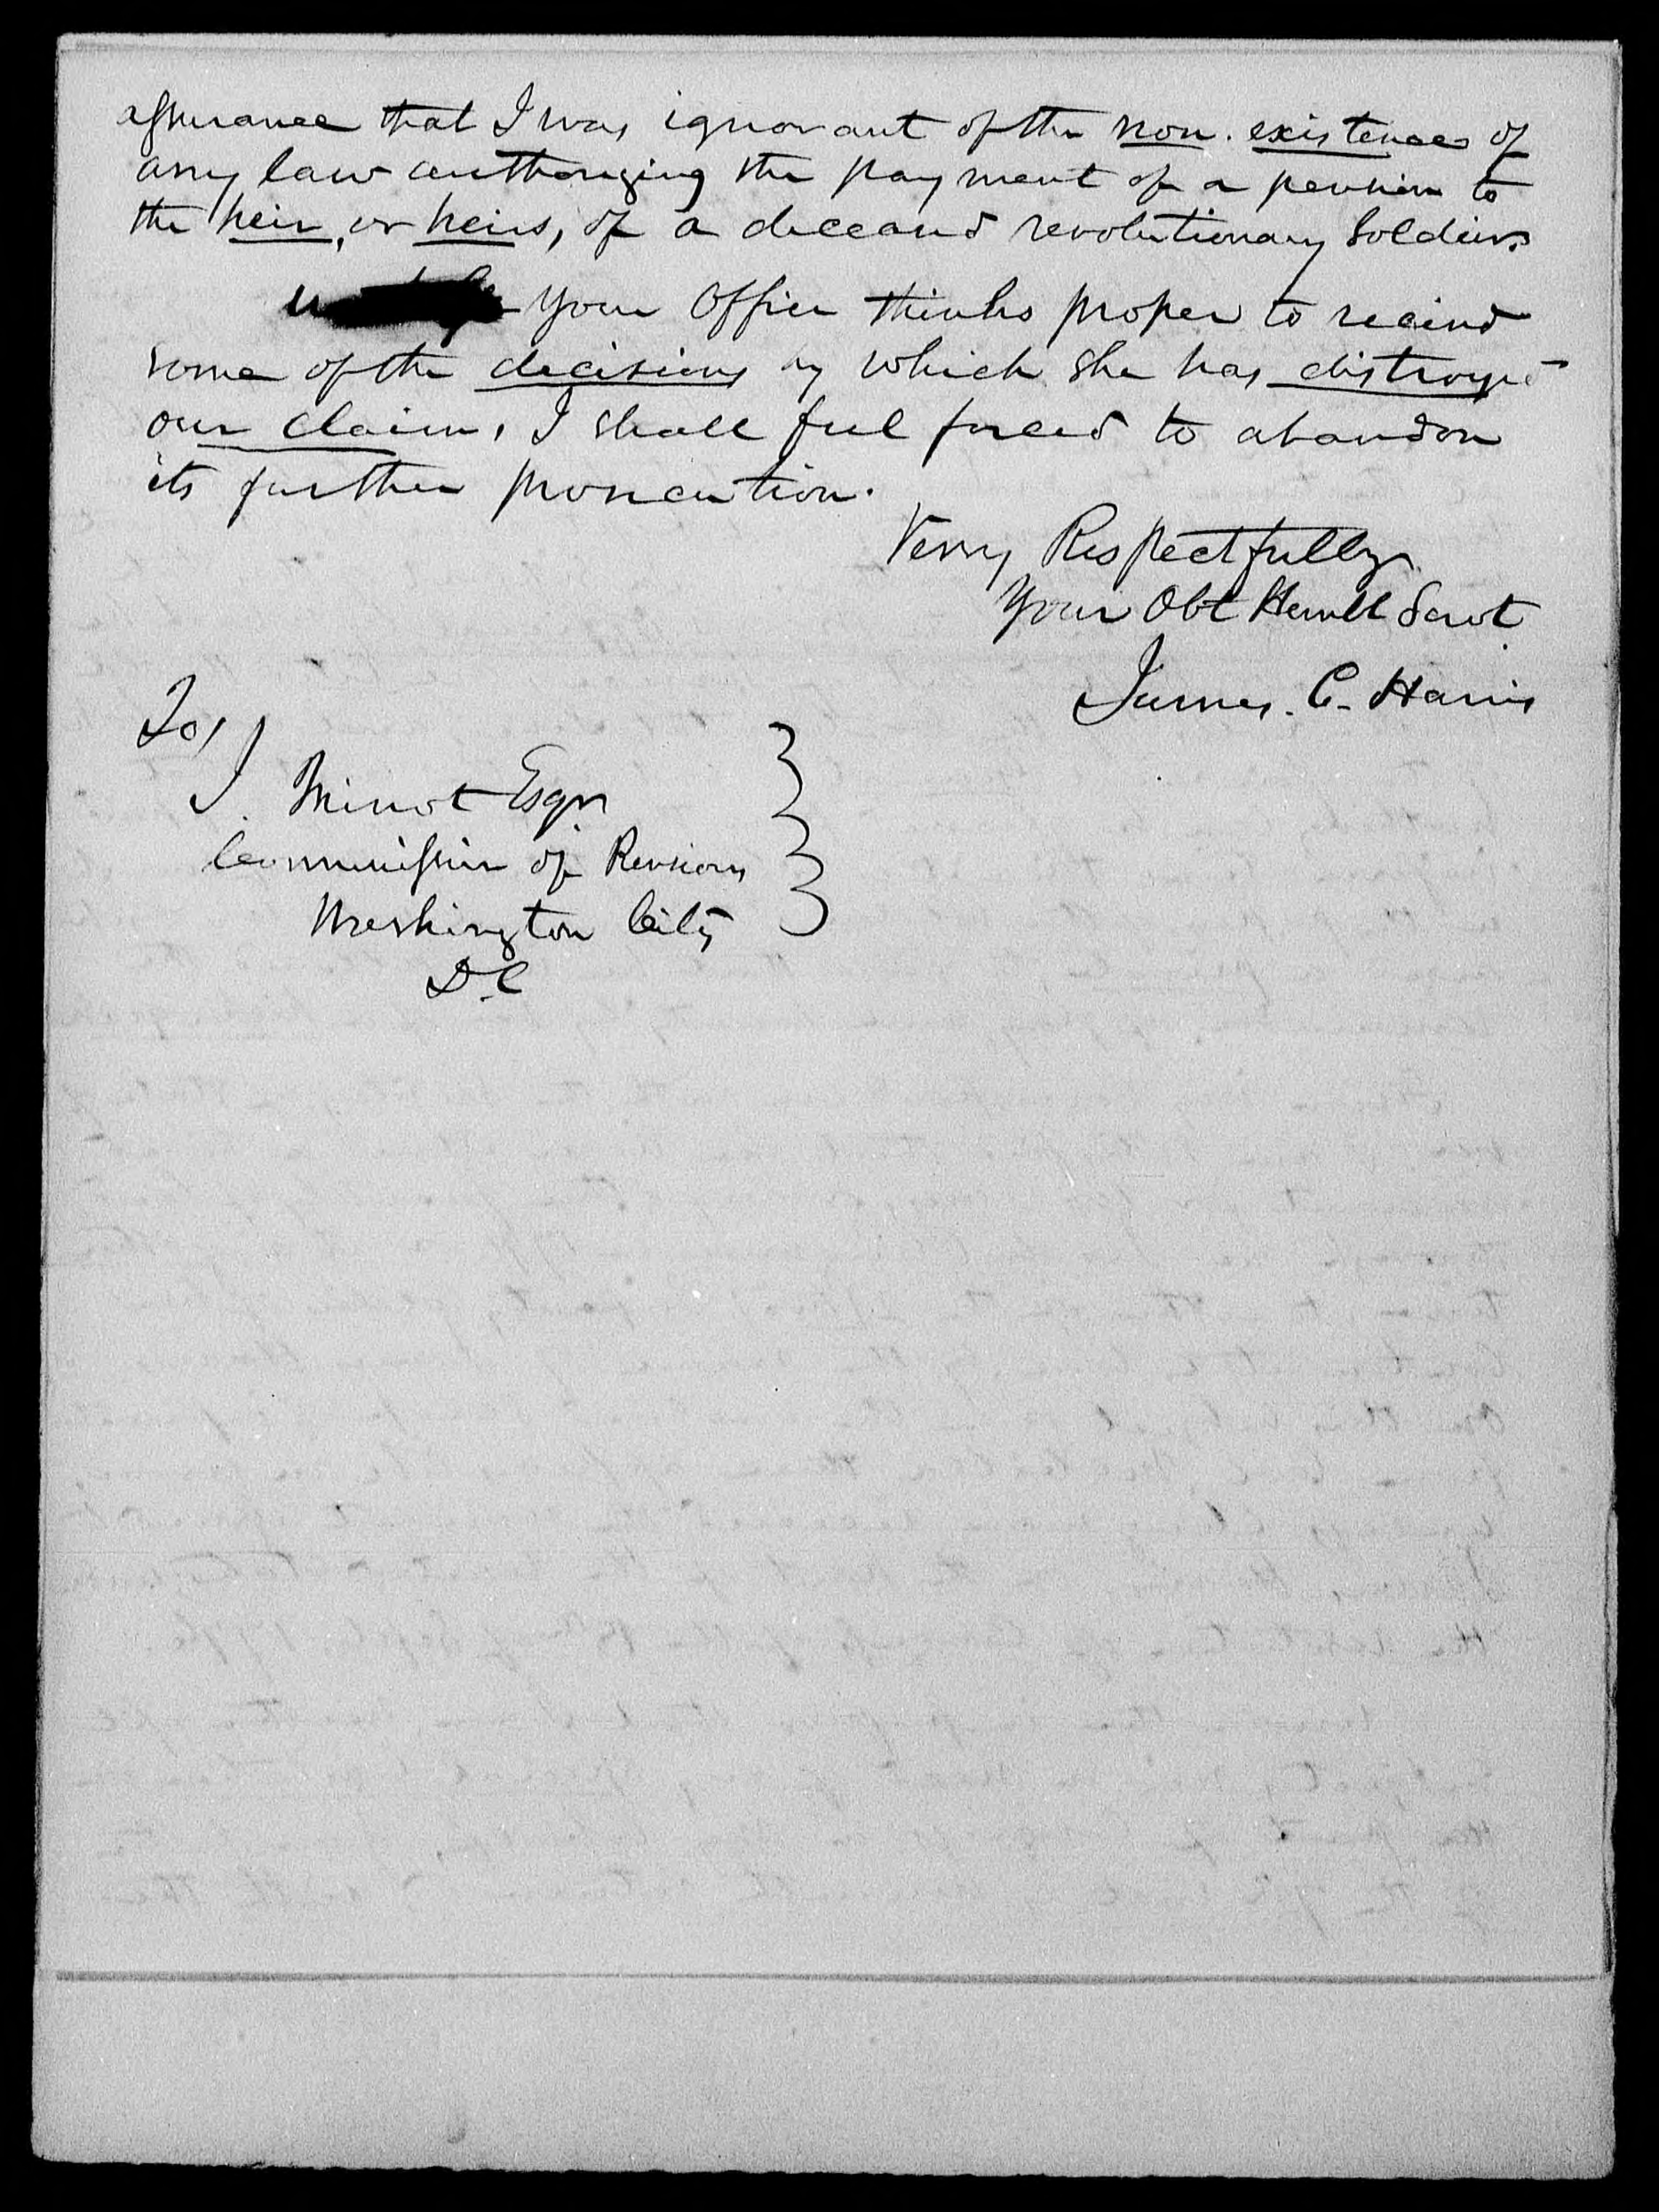assurance that I was ignorant of the non existence of any law authorizing the payment of a pension to the heir, or heirs, of a deceased revolutionary soldier.

Unless Your Office thinks proper to recind some of the decisions by which she has destroyed our claim, I shall feel forced to abandon its further prosecution.
  Very Respectfully
Your Obt Humbl Servt
James C. Harris

To,
 Minot Esqr
Commissioner of Pensions
Washington City
D.C.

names: Heirs, Heir, J Minot, James C Harris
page: 44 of 160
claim: rejected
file: R. 4666, James Harris, Va.